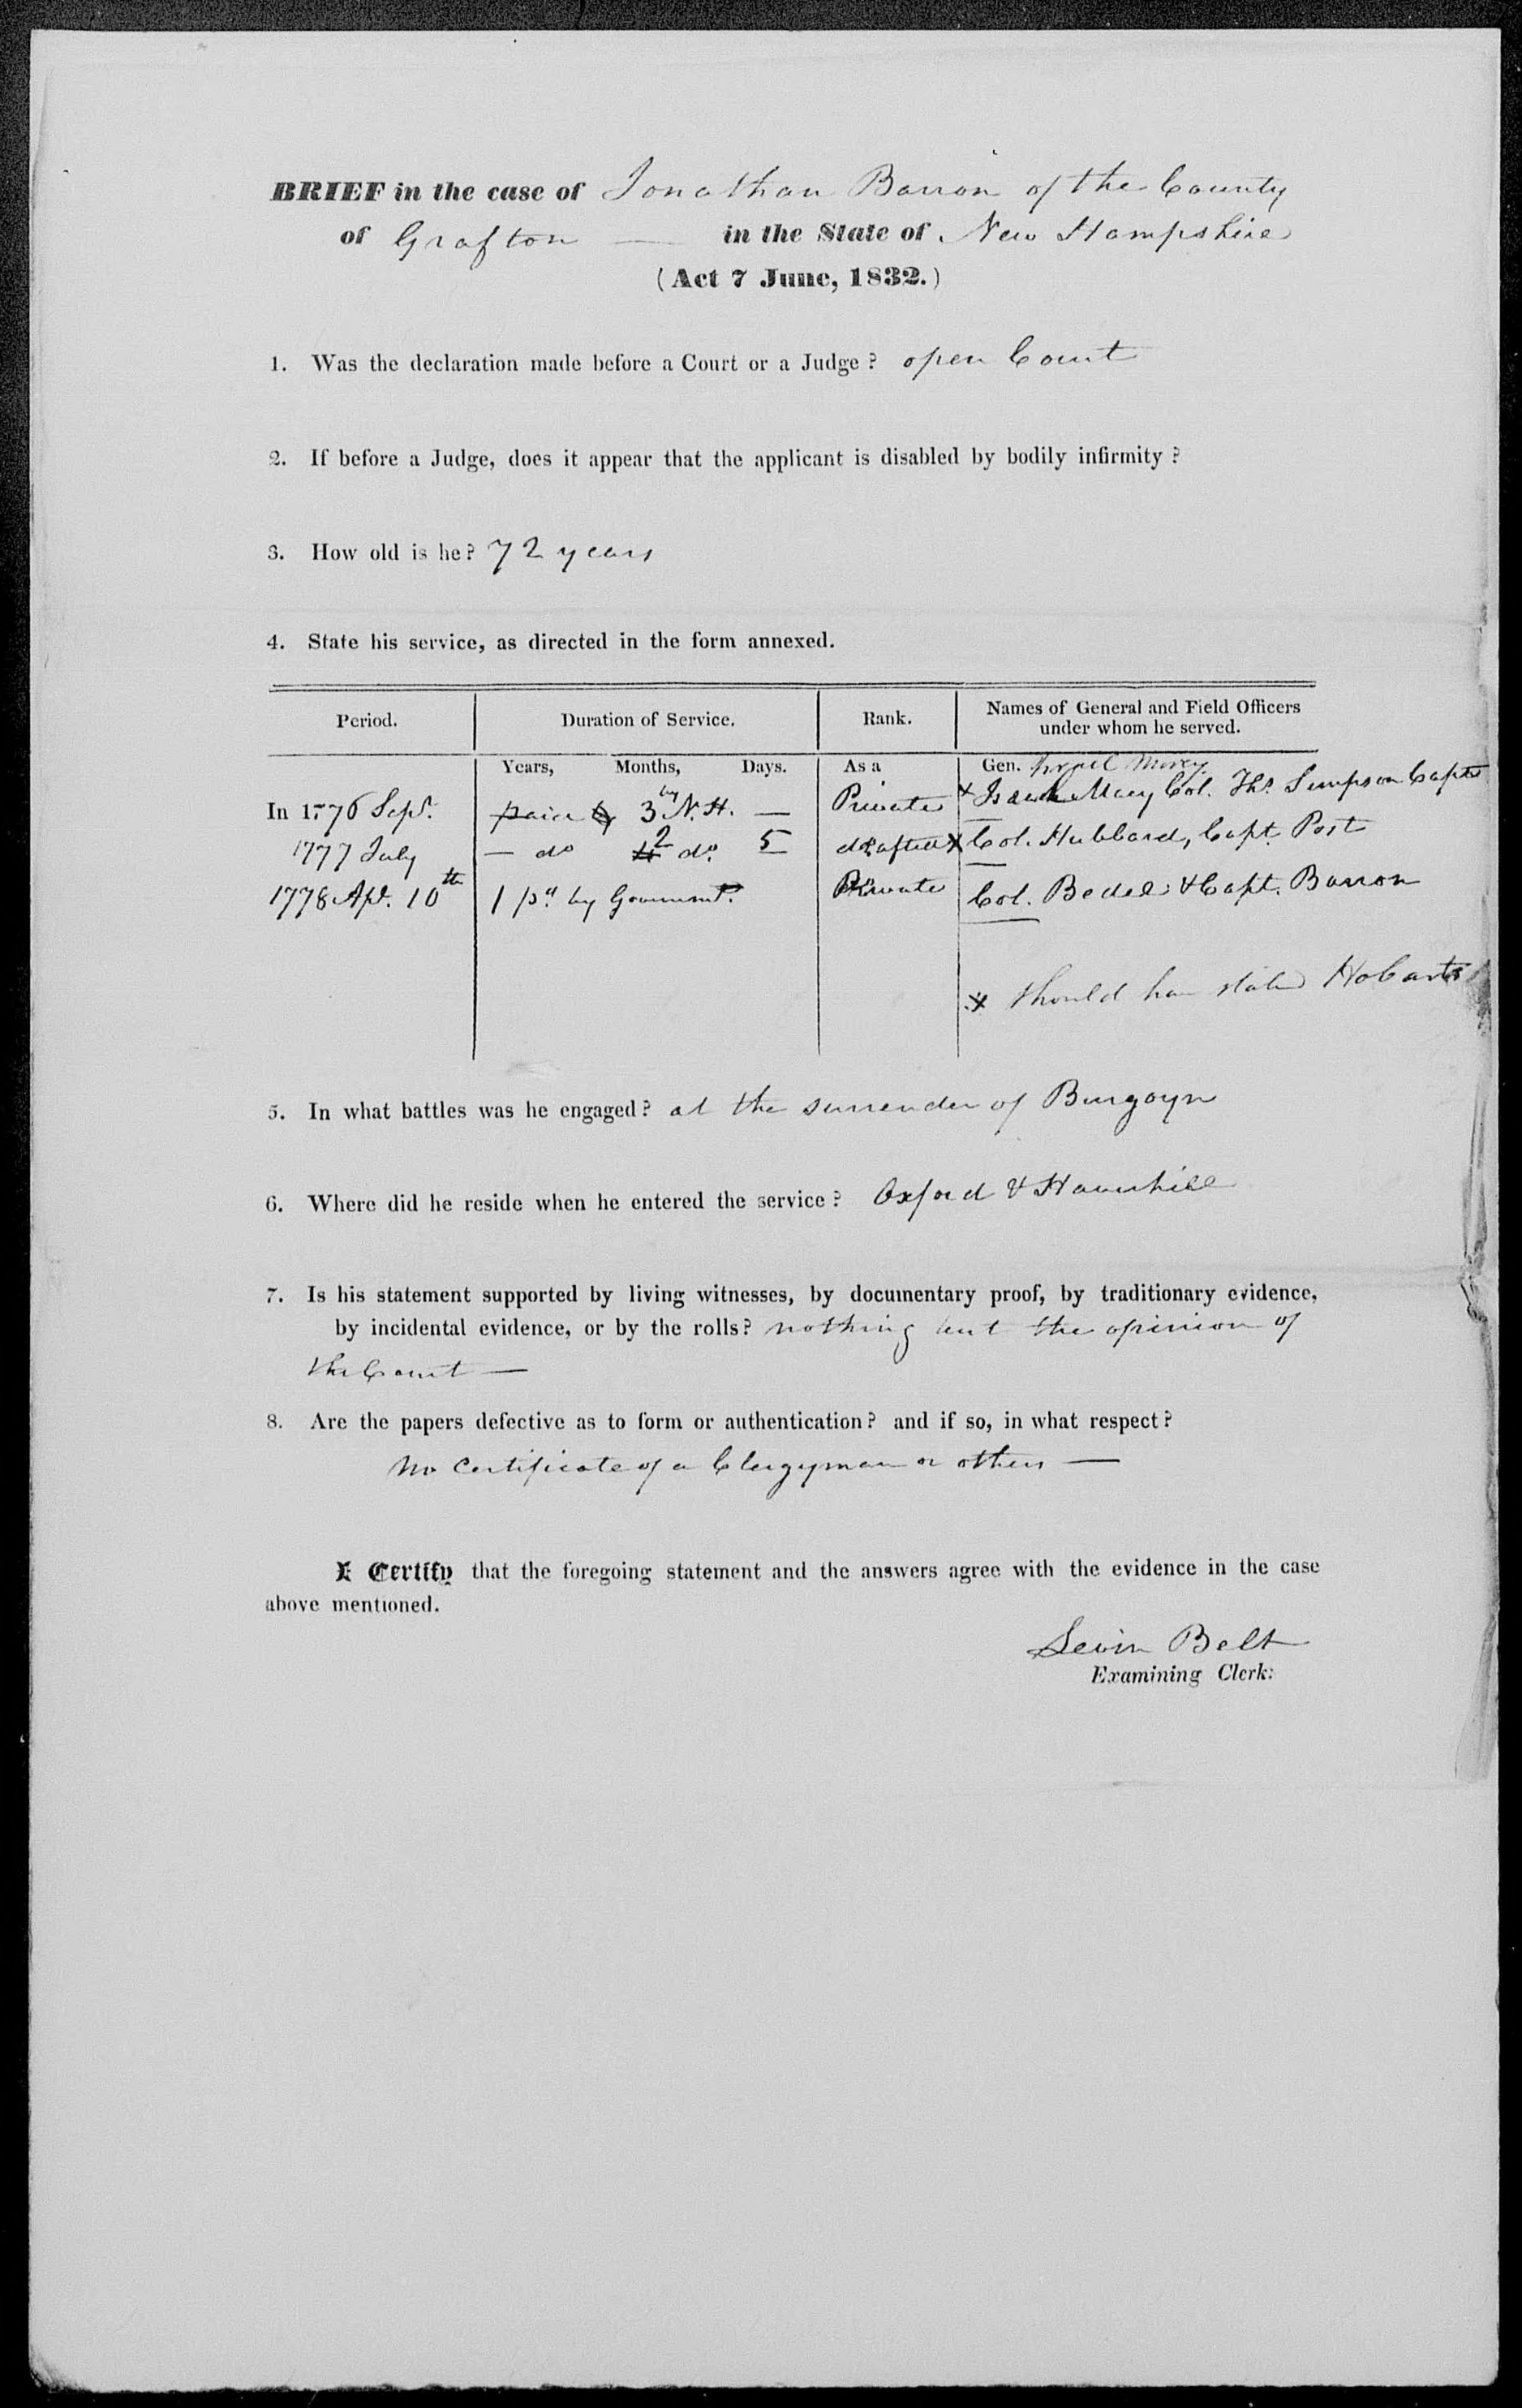BRIEF in the case of Jonathan Barron o f the County of Grafton in the state of New Hampshire (Act 7 June, 1832.)

1. Was the declaration made before a Court or a Judge? open Court

2. If before a Judge, does it appear that the applicant is disabled by bodily infirmity?

3. How old is he? 72 years

4. State his service, as directed in the form annexed.

Period. | Duration of Service. | Rank. | Names of General and Field Officers under whom he served.
[Blank] | Years, Months, Days. | As a | Gen. [written name illegible]
In 1776 Sept. | paid by [by scribbled then written above] 3 N.H. __ | Private | x Isaiah Macy Col. Ths. Simpson Capt
1777 July | - do [4 crossed out] 2 do. 5 | drafted X | Col. Hubbard, Capt. Post
1778 Apl 10th | 1 104 by Government. | Private | Col Bedel & Capt. Barron
[Blank] | [Blank] | [Blank] | x should have stated Hobants

5. In what battles was he engaged? at the surrender of Burgoyne

6. Where did he reside when he entered service? Oxford N. Hampshire

7. Is his statement supported by living witnesses, by documentary proof, by traditionary evidence, by incidental evidence, or by the rolls? nothing but the opinion of the court.

8 Are the papers defective as to form or authentication? and if so, in what respect?
no certificate of a clergyman or others.

 Certify that the foregoing statement and the answers agree with the evidence in the case above mentioned.
Sevin Belt
Examing Clerk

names: Hubbard, Barron, Tho Simpson, Post, Jonothan Barron, Isaiah Macy, Israel Moody, Levin Belt, Bedel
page: 6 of 25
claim: survivor's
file: S. 28986, Jonathan Barron, N.H.